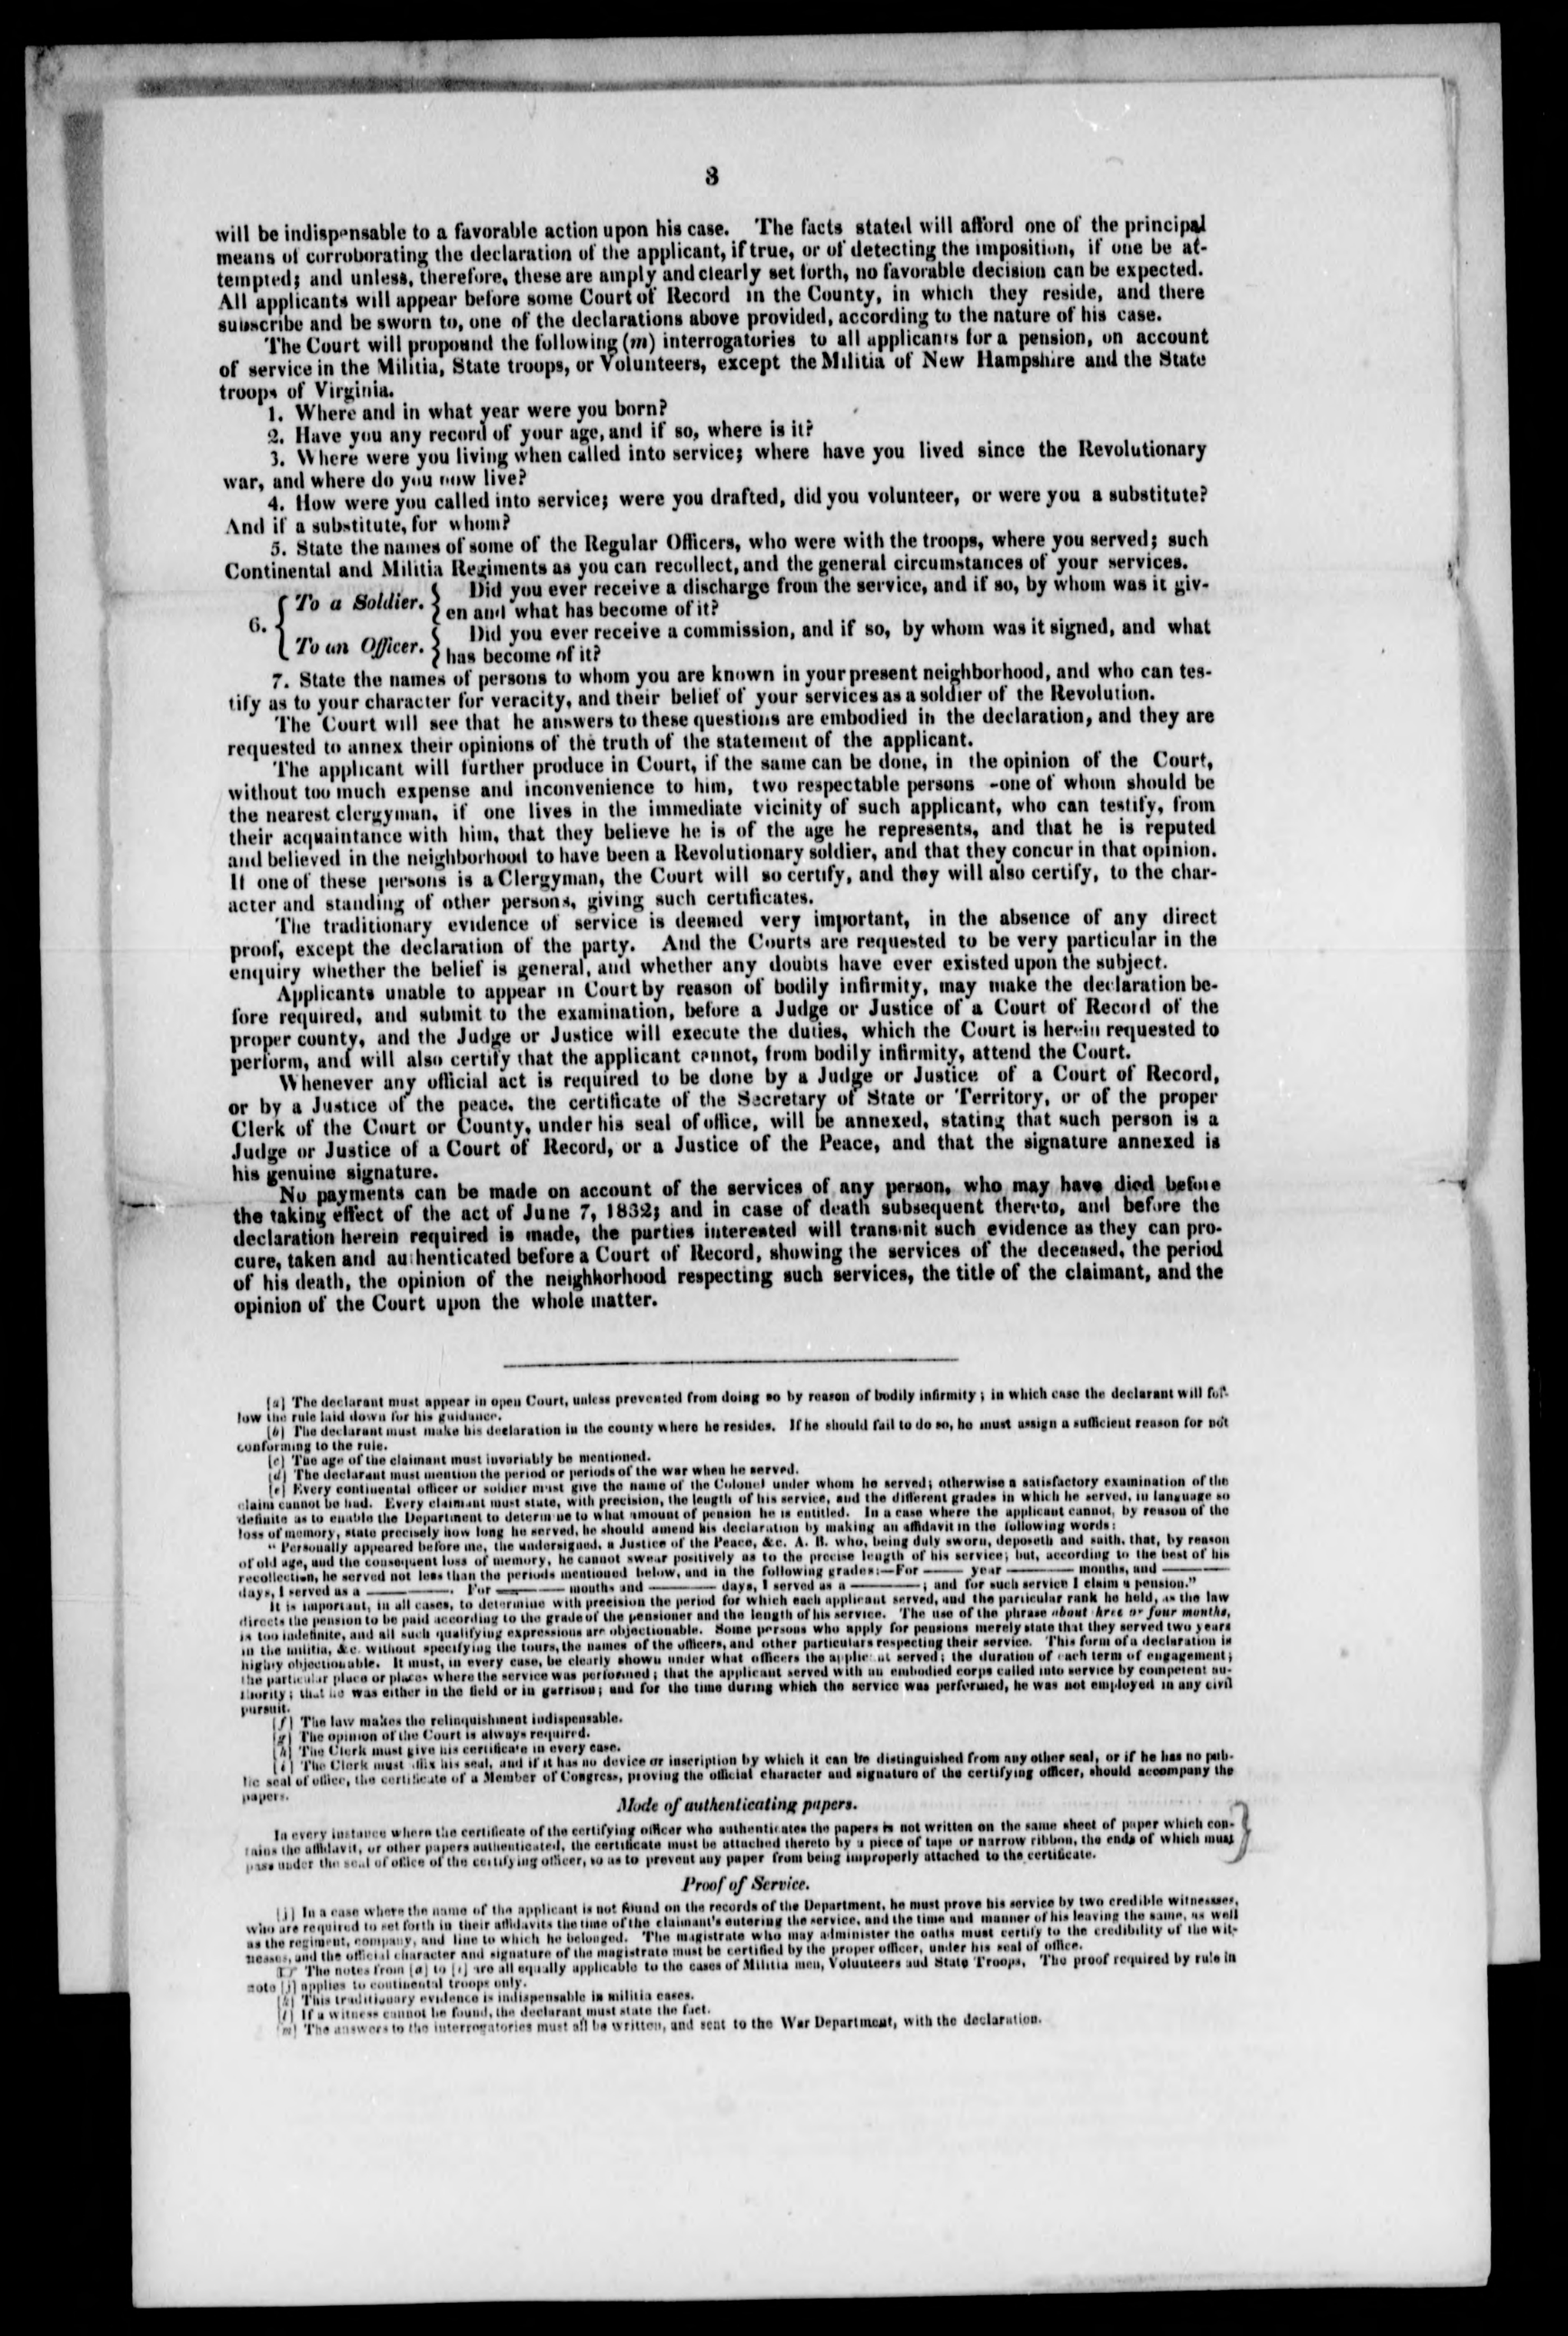3

Entire page is continued detailed instructions and format to use when submitting an application for pension.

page: 17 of 18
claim: survivor's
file: S. 11731, Robert Whippel, Continental Mass R. I.